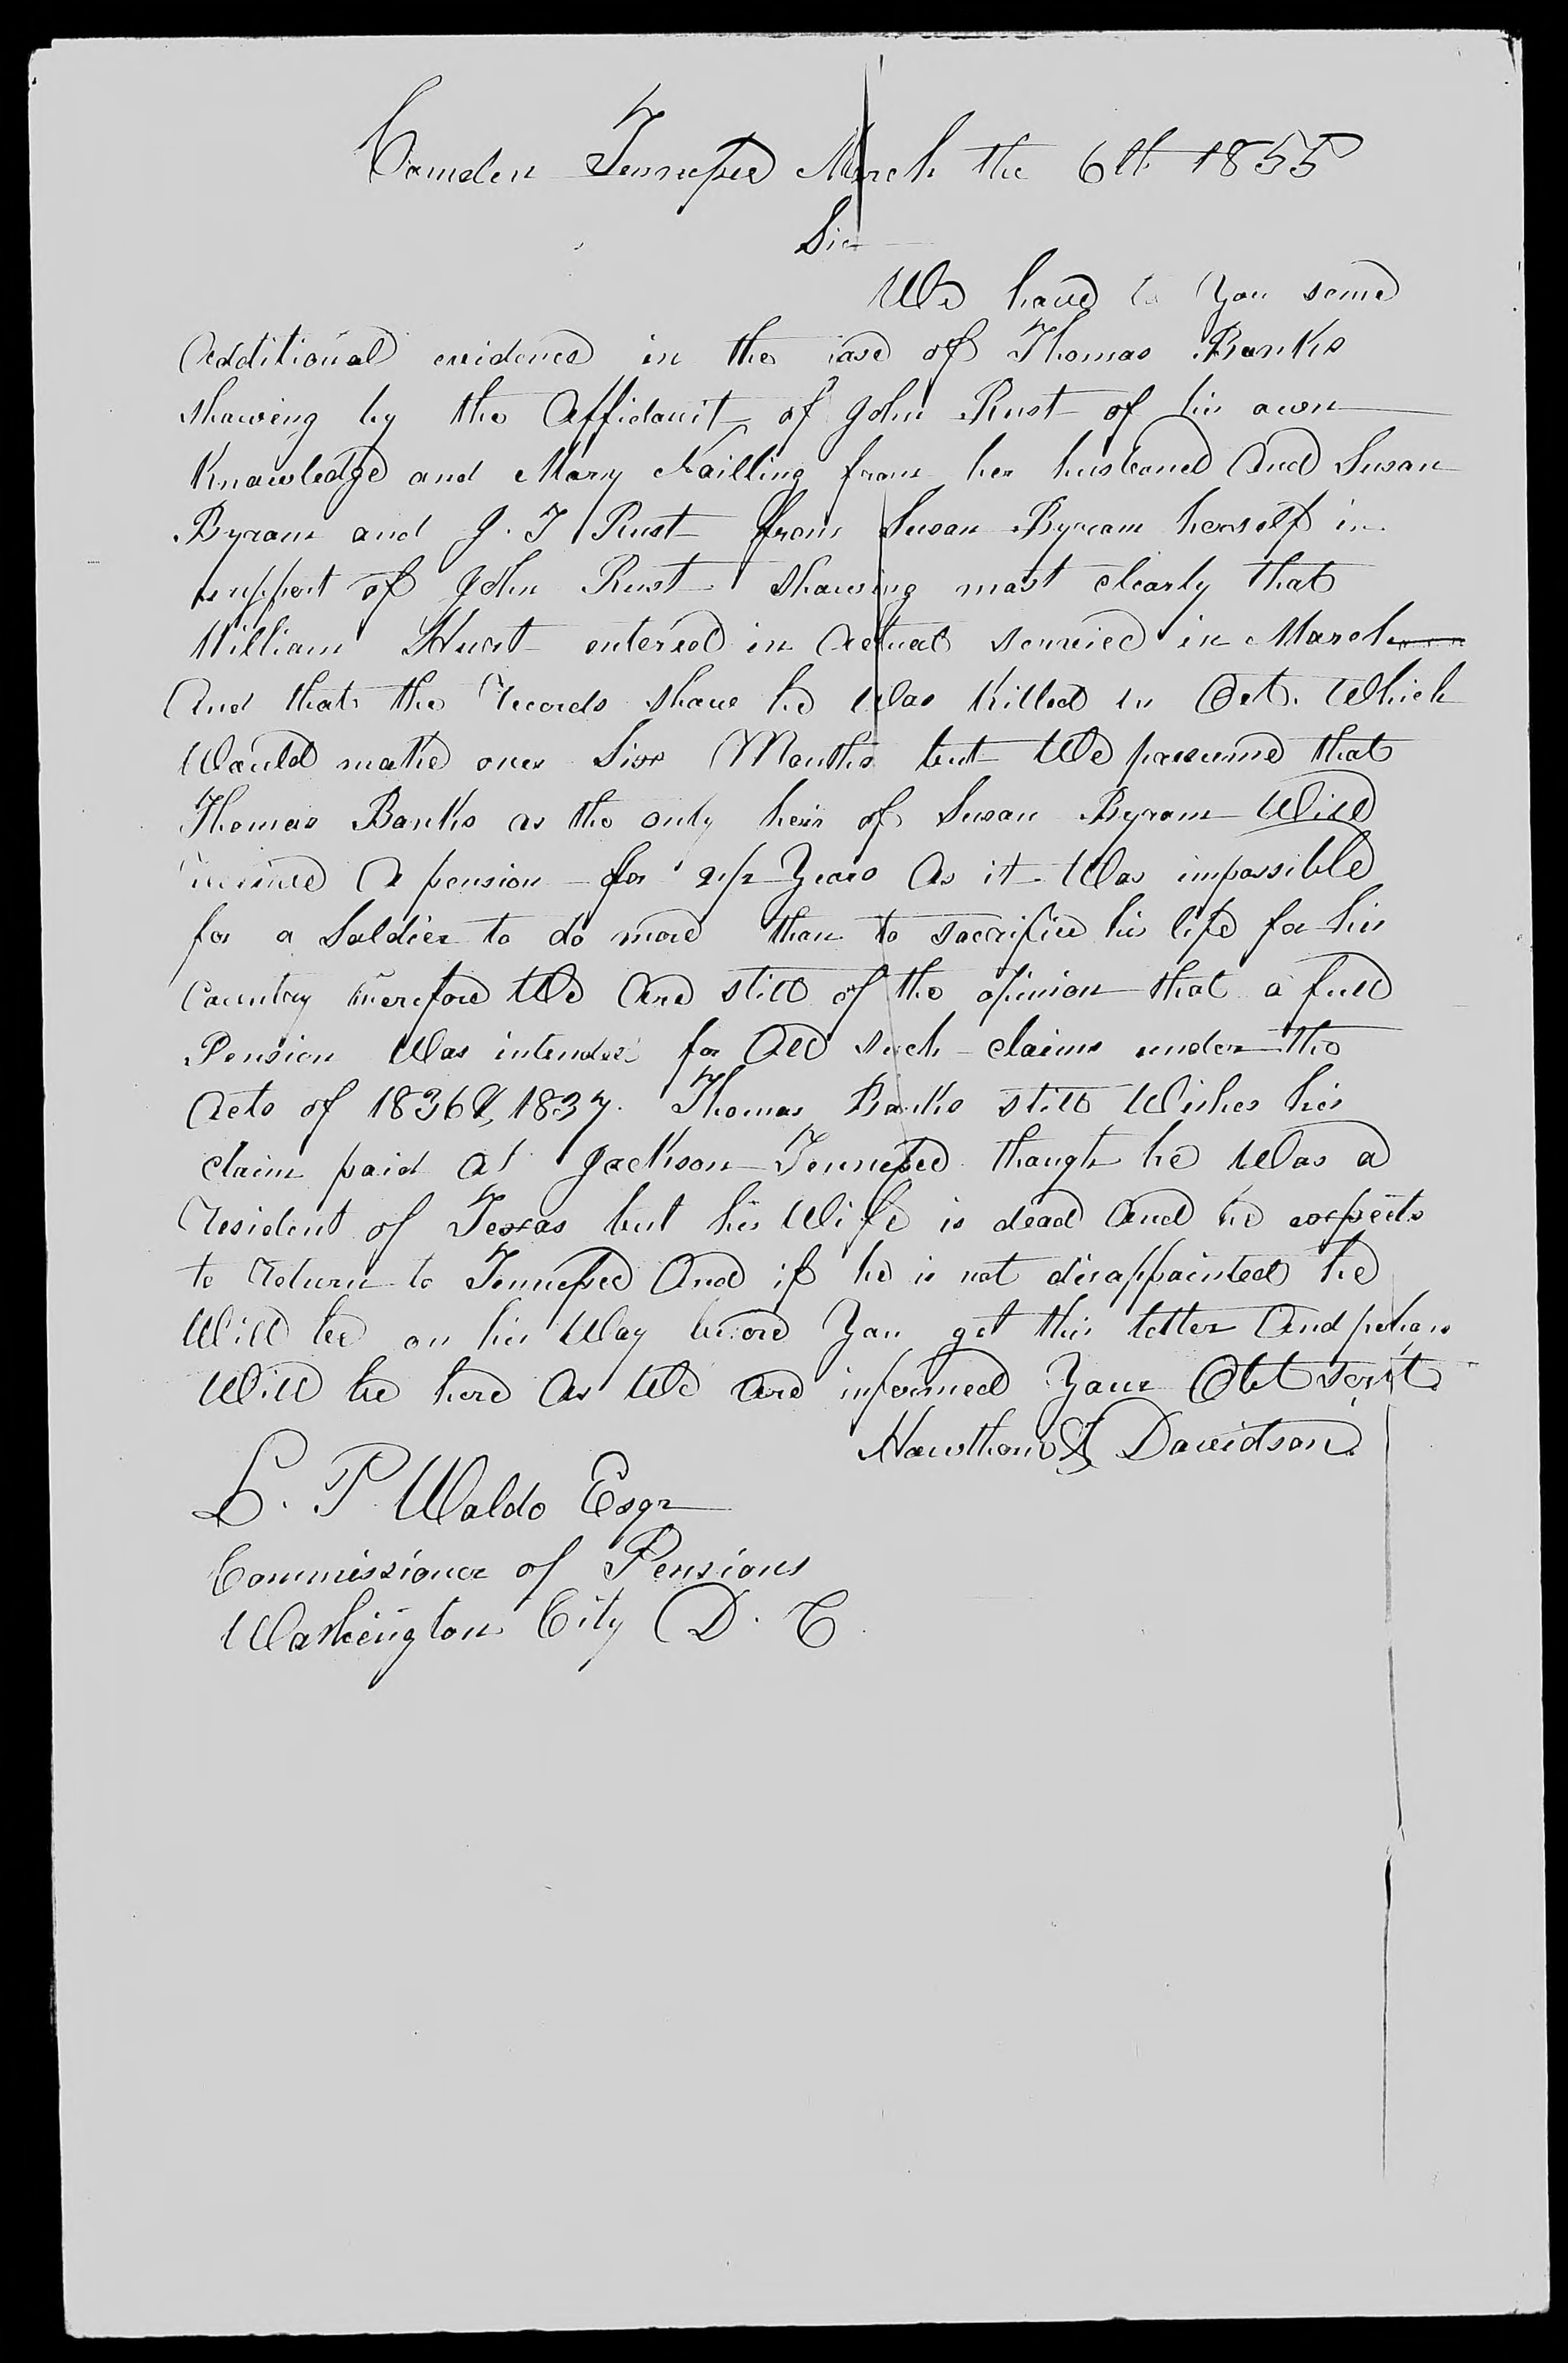Camden Tennessee March the 6th 1855 Sir, We hand  to  you  some additional evidence by the affidavit of John Rust of his  own knowledge and Mary  Nailling   from her husband and Susan Byram and J.T. Rust  from  Susan Byram herself  in support of John Rust  showing most clearly  that William Hurt  entered in actual service in March , and that the records show he was killed  in Oct. which would make over six months  that we  perceive  that  Thomas Banks  as the only heir of Susan Byram  will  receive a pension for  2 1/2 years as it was impossible for a soldier to do more that to sacrifice his life for his Country therefore   we are still of the opinion  that a full pension was intended for all such claims under the acts of 1836 & 1837 . Thomas Banks still  wishes his claim paid at Jackson Tennessee though he was a resident of Texas but his wife is dead and he expects to  return to Tennessee and if he is not disappointed  he will be on his way  before you get this letter and perhaps will be here as  told and informed. Your obt servt Hawthorn Davidson ( signed )  L P Waldo Esq Commissioner of Pensions Washington City D.C.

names: Thomas Banks; Mary Nailling; Susan Byram; [BLANK] Davidson; John Rust; William Hurt; L P Waldo; [BLANK] Hawthorn; J T Rust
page: 6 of 75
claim: rejected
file: R. 1572, for William Hurt, [Blank]